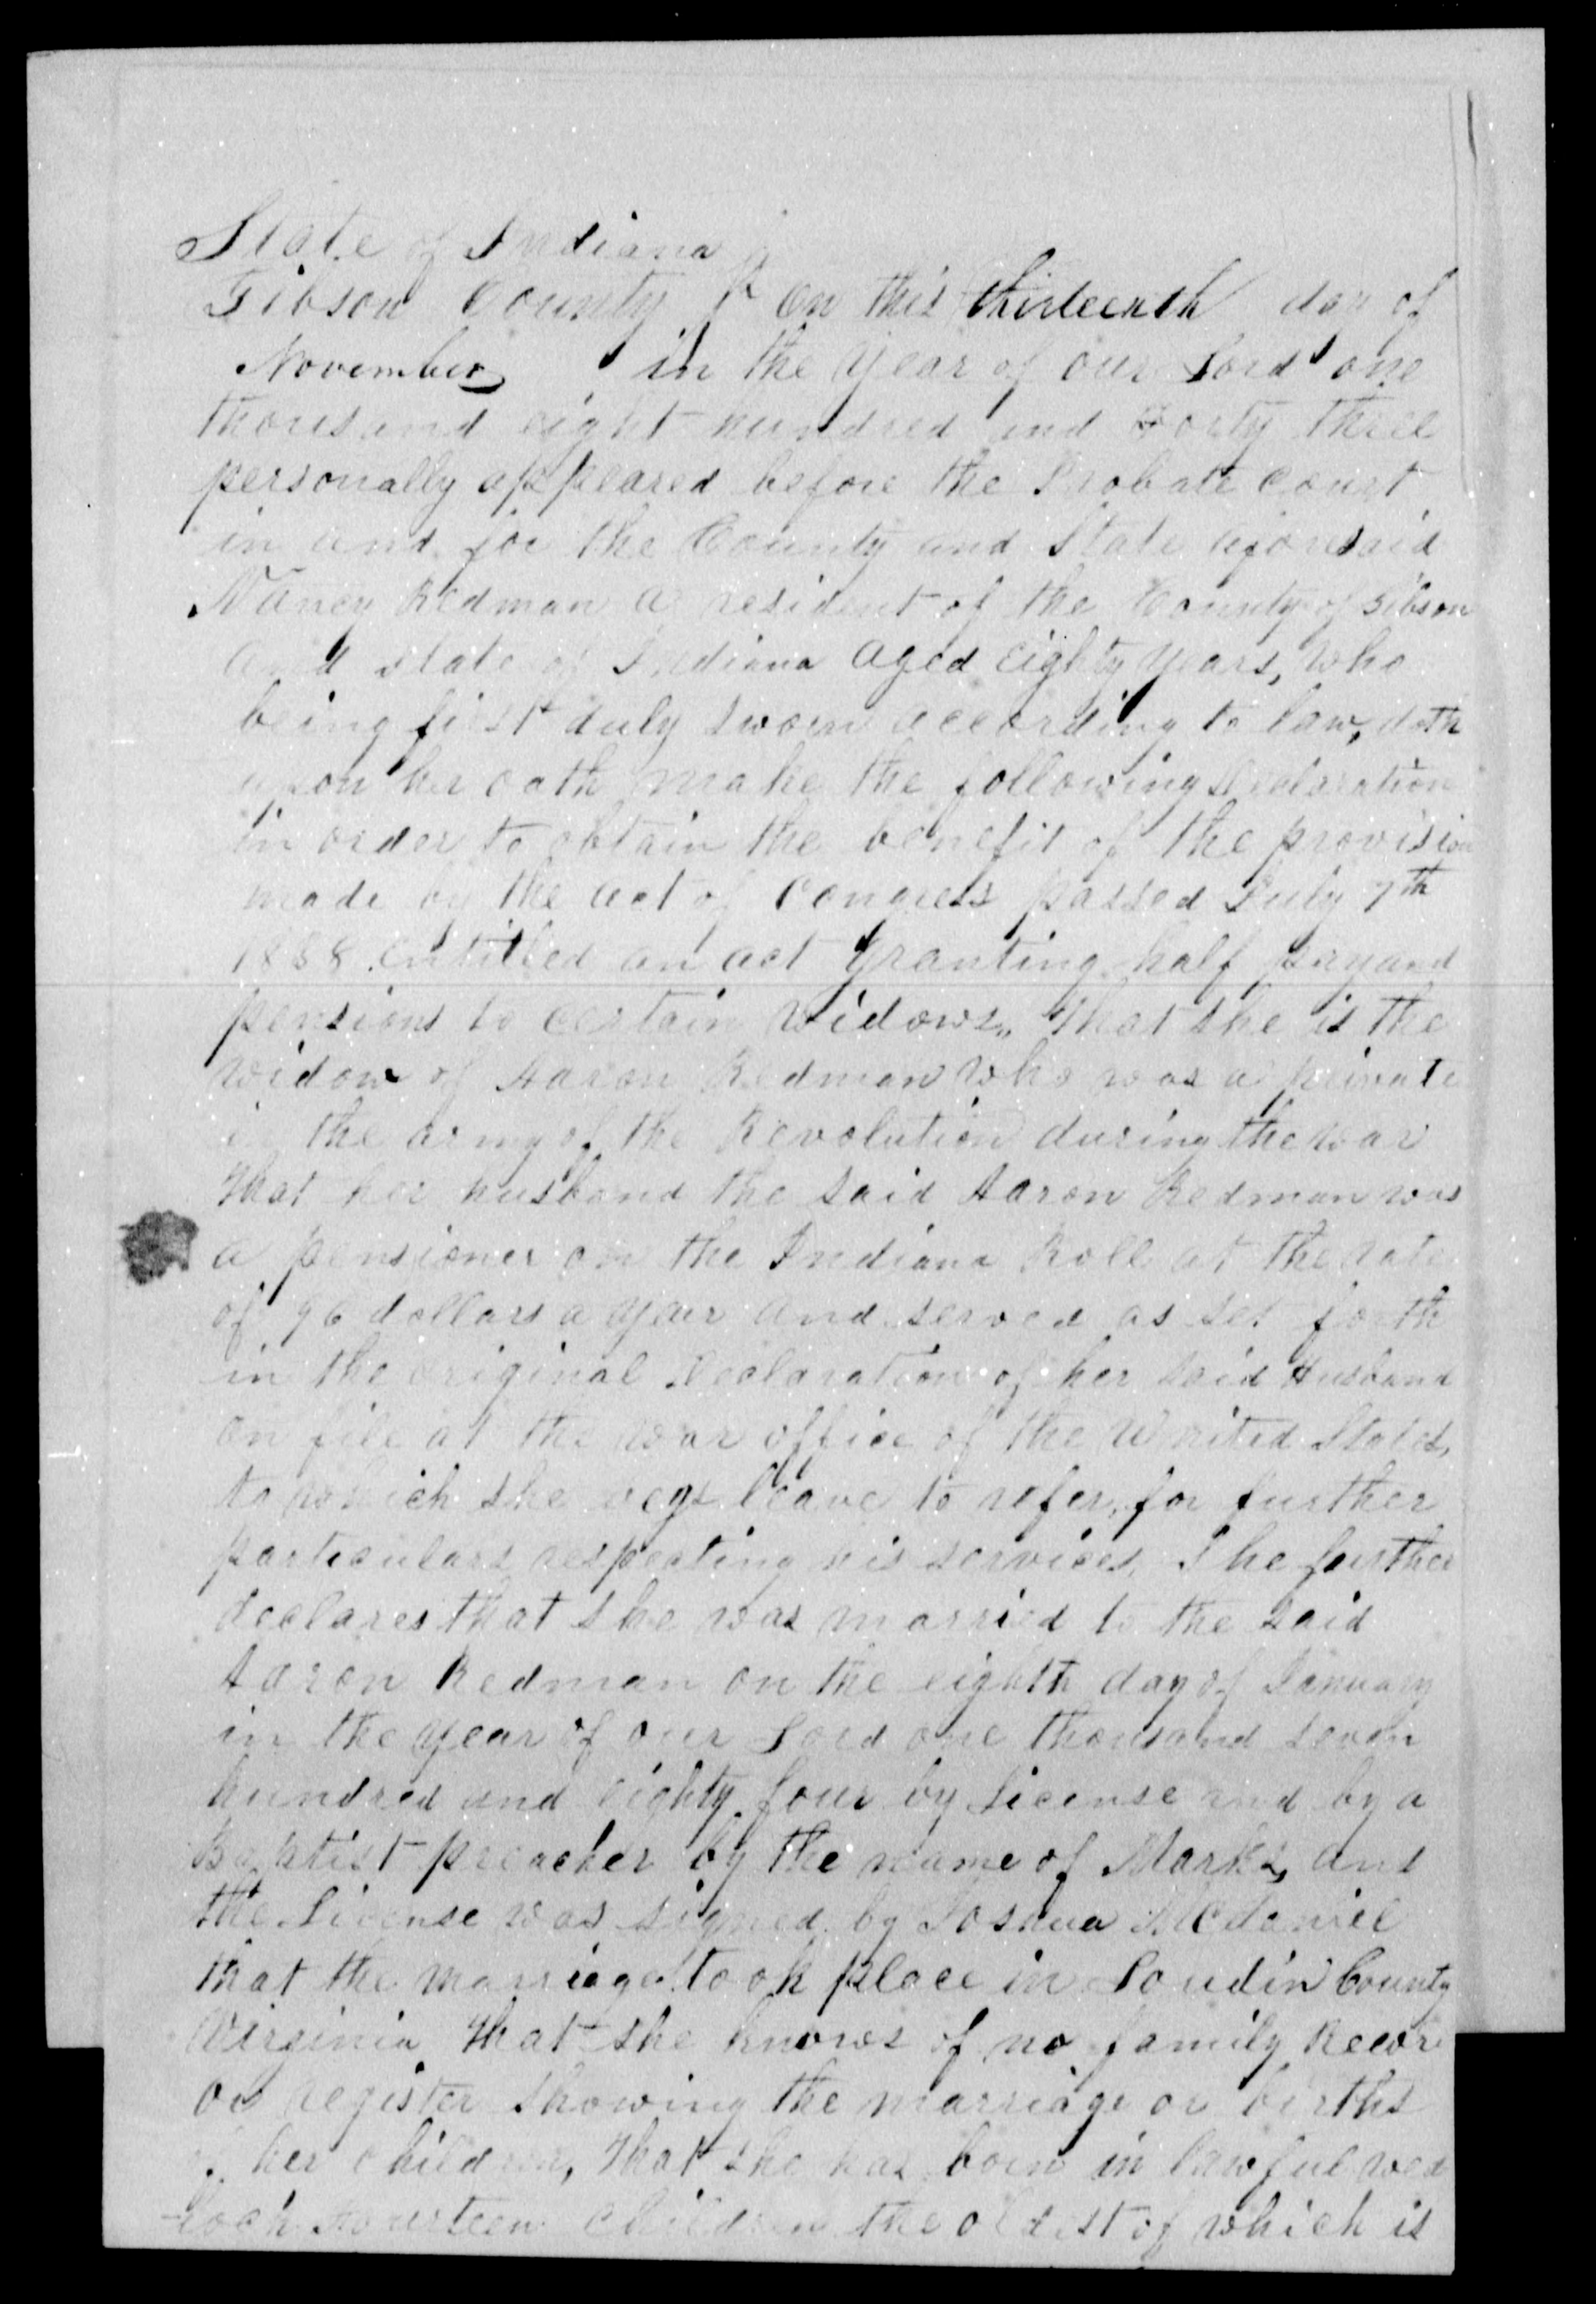State of Indiana
Gibson County ss On this thirteenth day of November in the year of our Lord one thousand eight hundred and forty three personally appeared before the Probate Court, in and for the County and State aforesaid Nancy Redman a resident of the County of Gibson and state of Indiana aged Eighty years, who being first duly sworn according to law, doth upon her oath make the following Declaration in order to obtain the benefit of the provision made by the Act of Congress passed July 7th 1838 entitled an act granting half pay and pensions to certain widows" that she is the widow of Aaron Redman who was a private in the army of the Revolution during the war That her husband the said Aaron Redman was a pensioner on the Indiana Roll at the rate of 96 dollars a year and served as set forth in the original Declaration of her said Husband on file at the war office of the United States, to which she begs leave to refer for further particulars respecting his services. She further declares that she was married to the said Aaron Redman on the eighth day of January in the year of our Lord one thousand seven hundred and eighty four by License and by a Baptist preacher by the name of Marks, and the License was signed by Joshua McLanie that the marriage took place in Loudin County Virginia That she knows of no family Record register showing the marriage or births of her children, That she was born in lawful wedlock Fourteen children the oldest of which is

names: Aaron Redman; Aaron Redman; Nancy Redman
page: 13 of 57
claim: widow's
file: W. 9,622, for Aaron Redman, Virginia